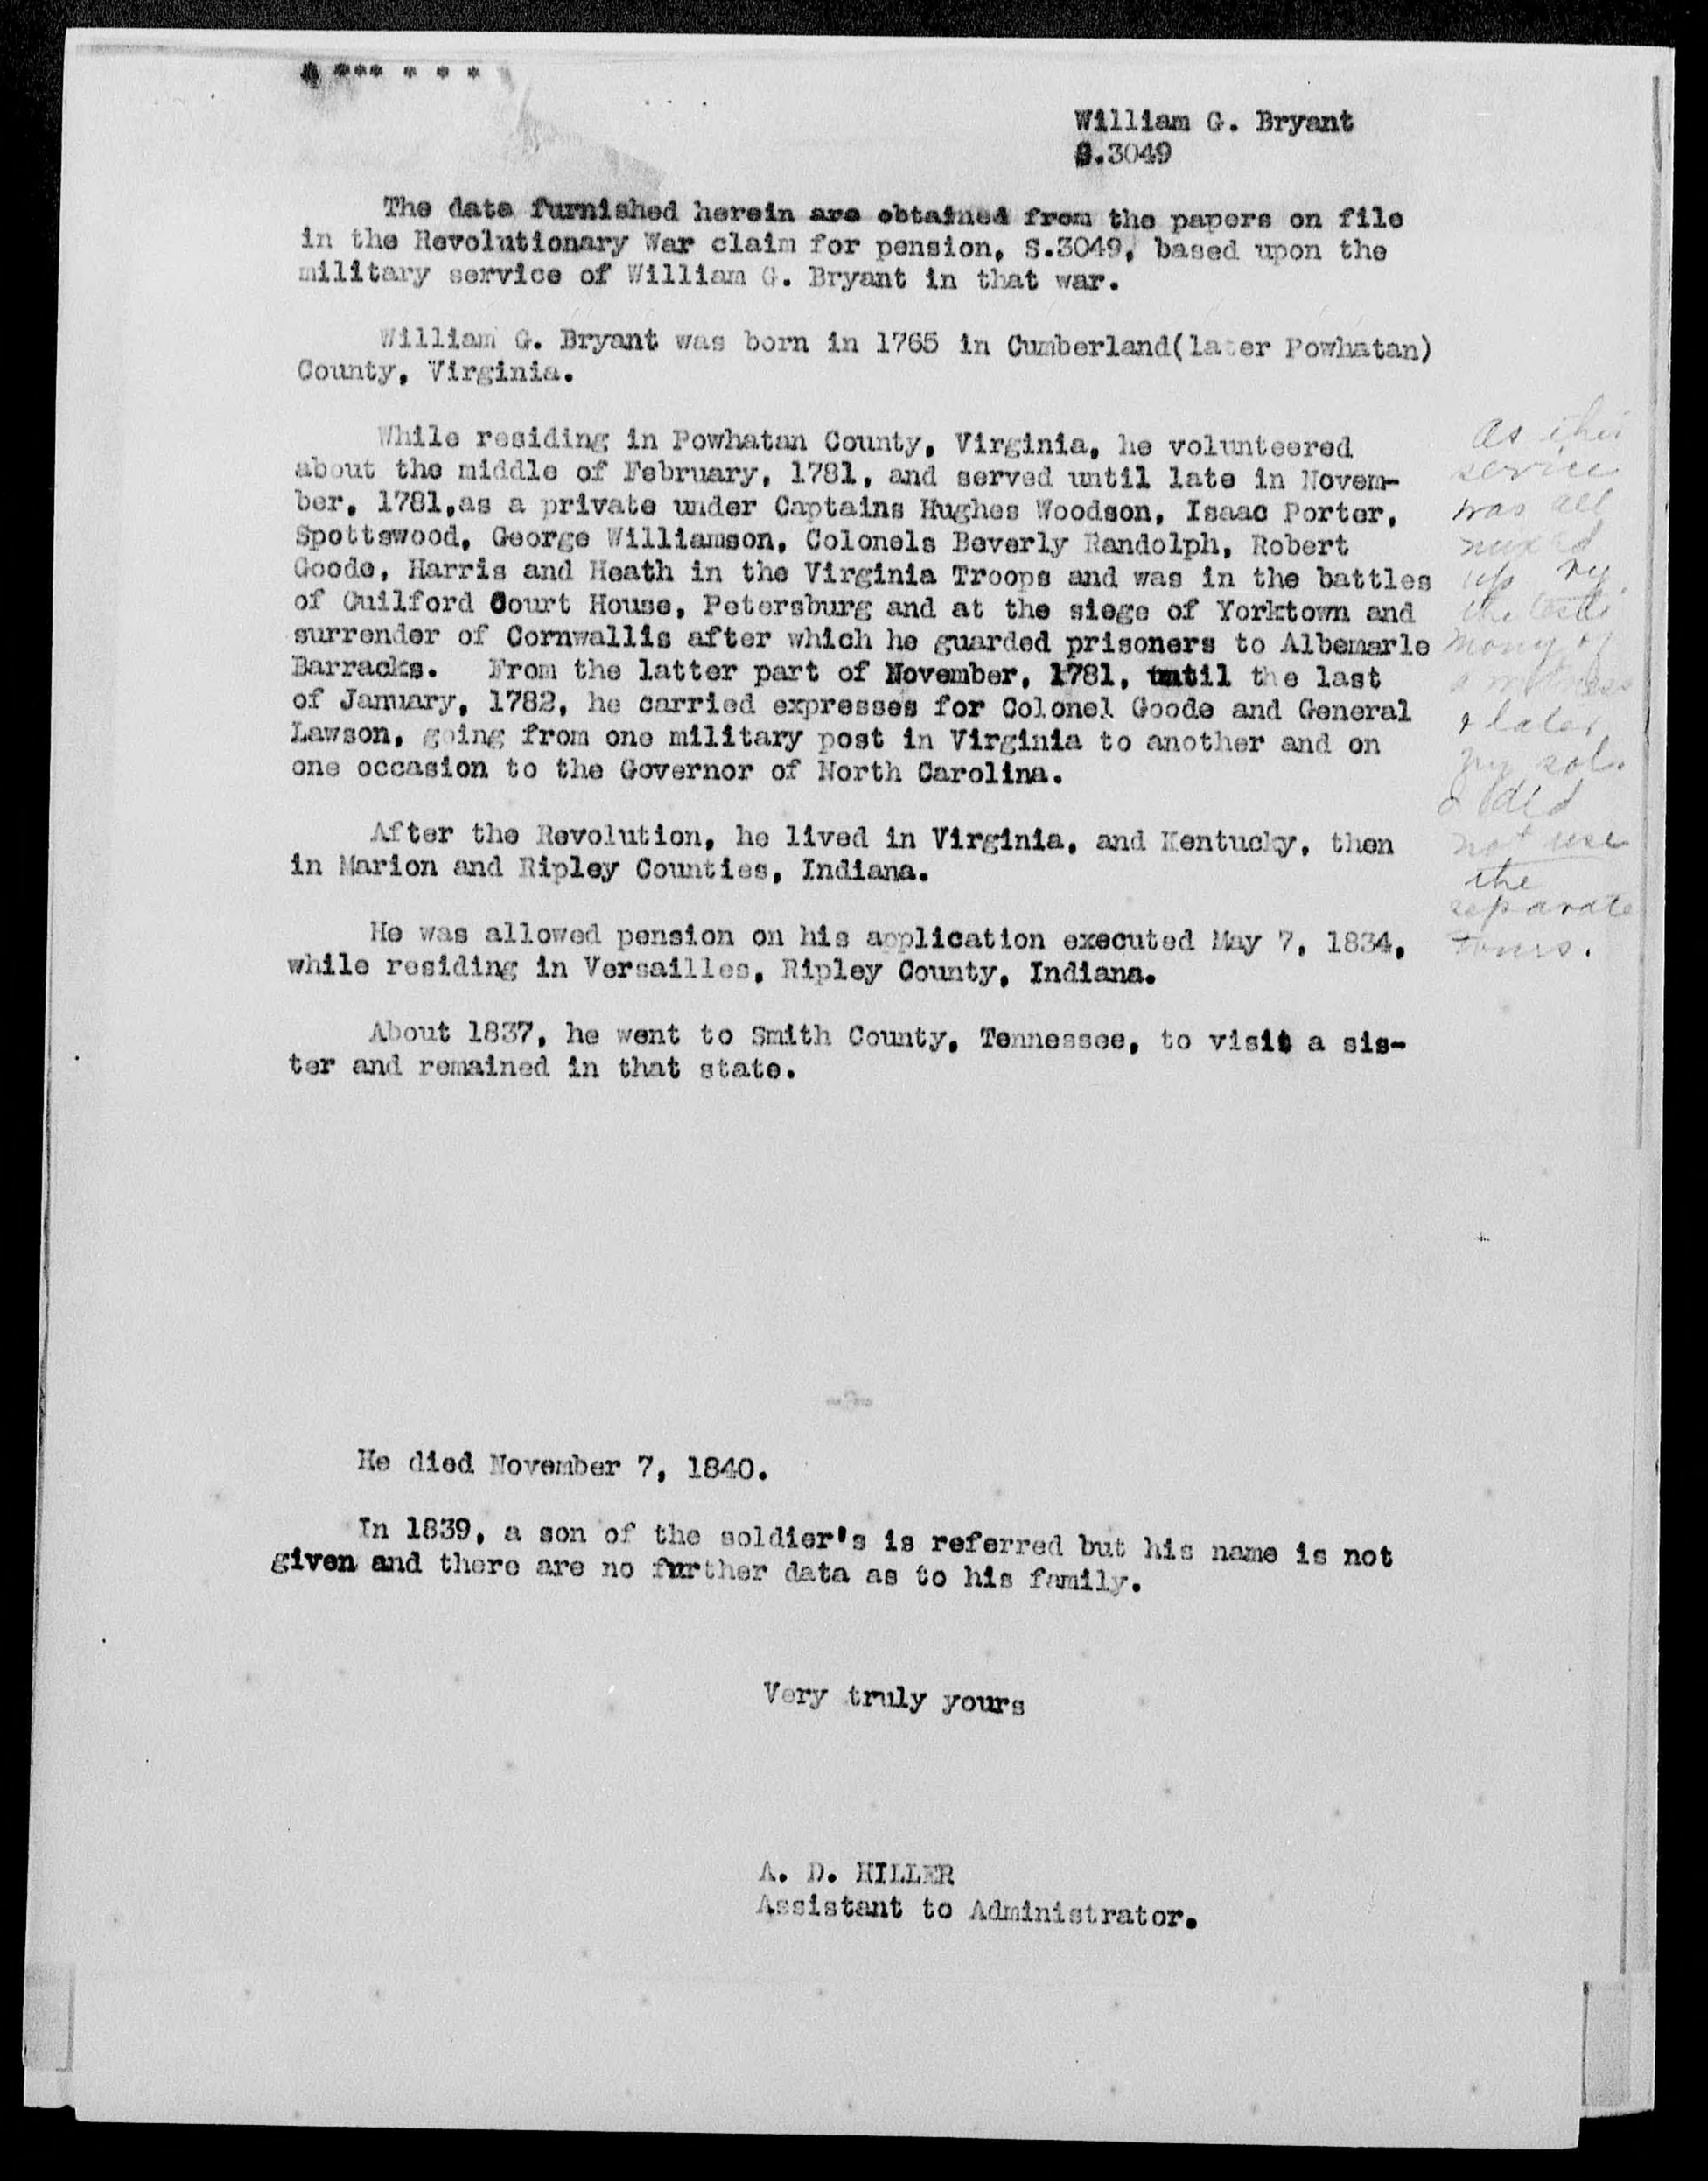William G. Bryant
S.3049

He died November 7, 1840.
The data furnished herein are obtained from the papers on file in the Revolutionary War claim for pension, S.3049, based upon the
military service of William G. Bryant in that war.
William G. Bryant was born in 1765 in Cumberland (later Powhatan) County, Virginia.
While residing in Powhatan County, Virginia, he volunteered about the middle of February, 1781, and served until late in November, 1781, as a private under Captains Hughes Woodson, Isaac Porter, Spottswood, George Williamson, Colonels Beverly Randolph, Robert
Goode, Harris and Heath in the Virginia Troops and was in the battles of Guilford Court House, Petersburg and at the siege of Yorktown and
surrender of Cornwallis after which he guarded prisoners to Albemarle Barracks. From the latter part of November, 1781, until the last
of January, 1782, he carried expresses for Colonel Goode and General Lawson, going from one military post in Virginia to another and on one occasion to the Governor of North Carolina.
After the Revolution, he lived in Virginia, and Kentucky, then in Marion and Ripley Counties, Indiana.
He was allowed pension on his application executed May 7, 1834,
while residing in Versailles, Ripley County, Indiana.
About 1837, he went to Smith County, Tennessee, to visit a sister and remained in that state.
He died November 7, 1840.
In 1839, a son of the soldier's is referred but his name is not given and there are no further data as to his family.
Very truly yours
A. D. HILLER
Assistant to Administrator,

[hand written note in margin:]
As this service was all mixed up by the [illegible] many of [illegible] I did not use the separate tours.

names: Robert Goode, Isaac Porter, William G Bryant, Goode, William G Bryant, Spottswood, Beverly Randolph, A D Hiller, Heath, Harris, Hughes Woodson, George Williamson, William G Bryant, Lawson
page: 30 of 31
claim: survivor's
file: S. 3049, William G Bryant, Va.